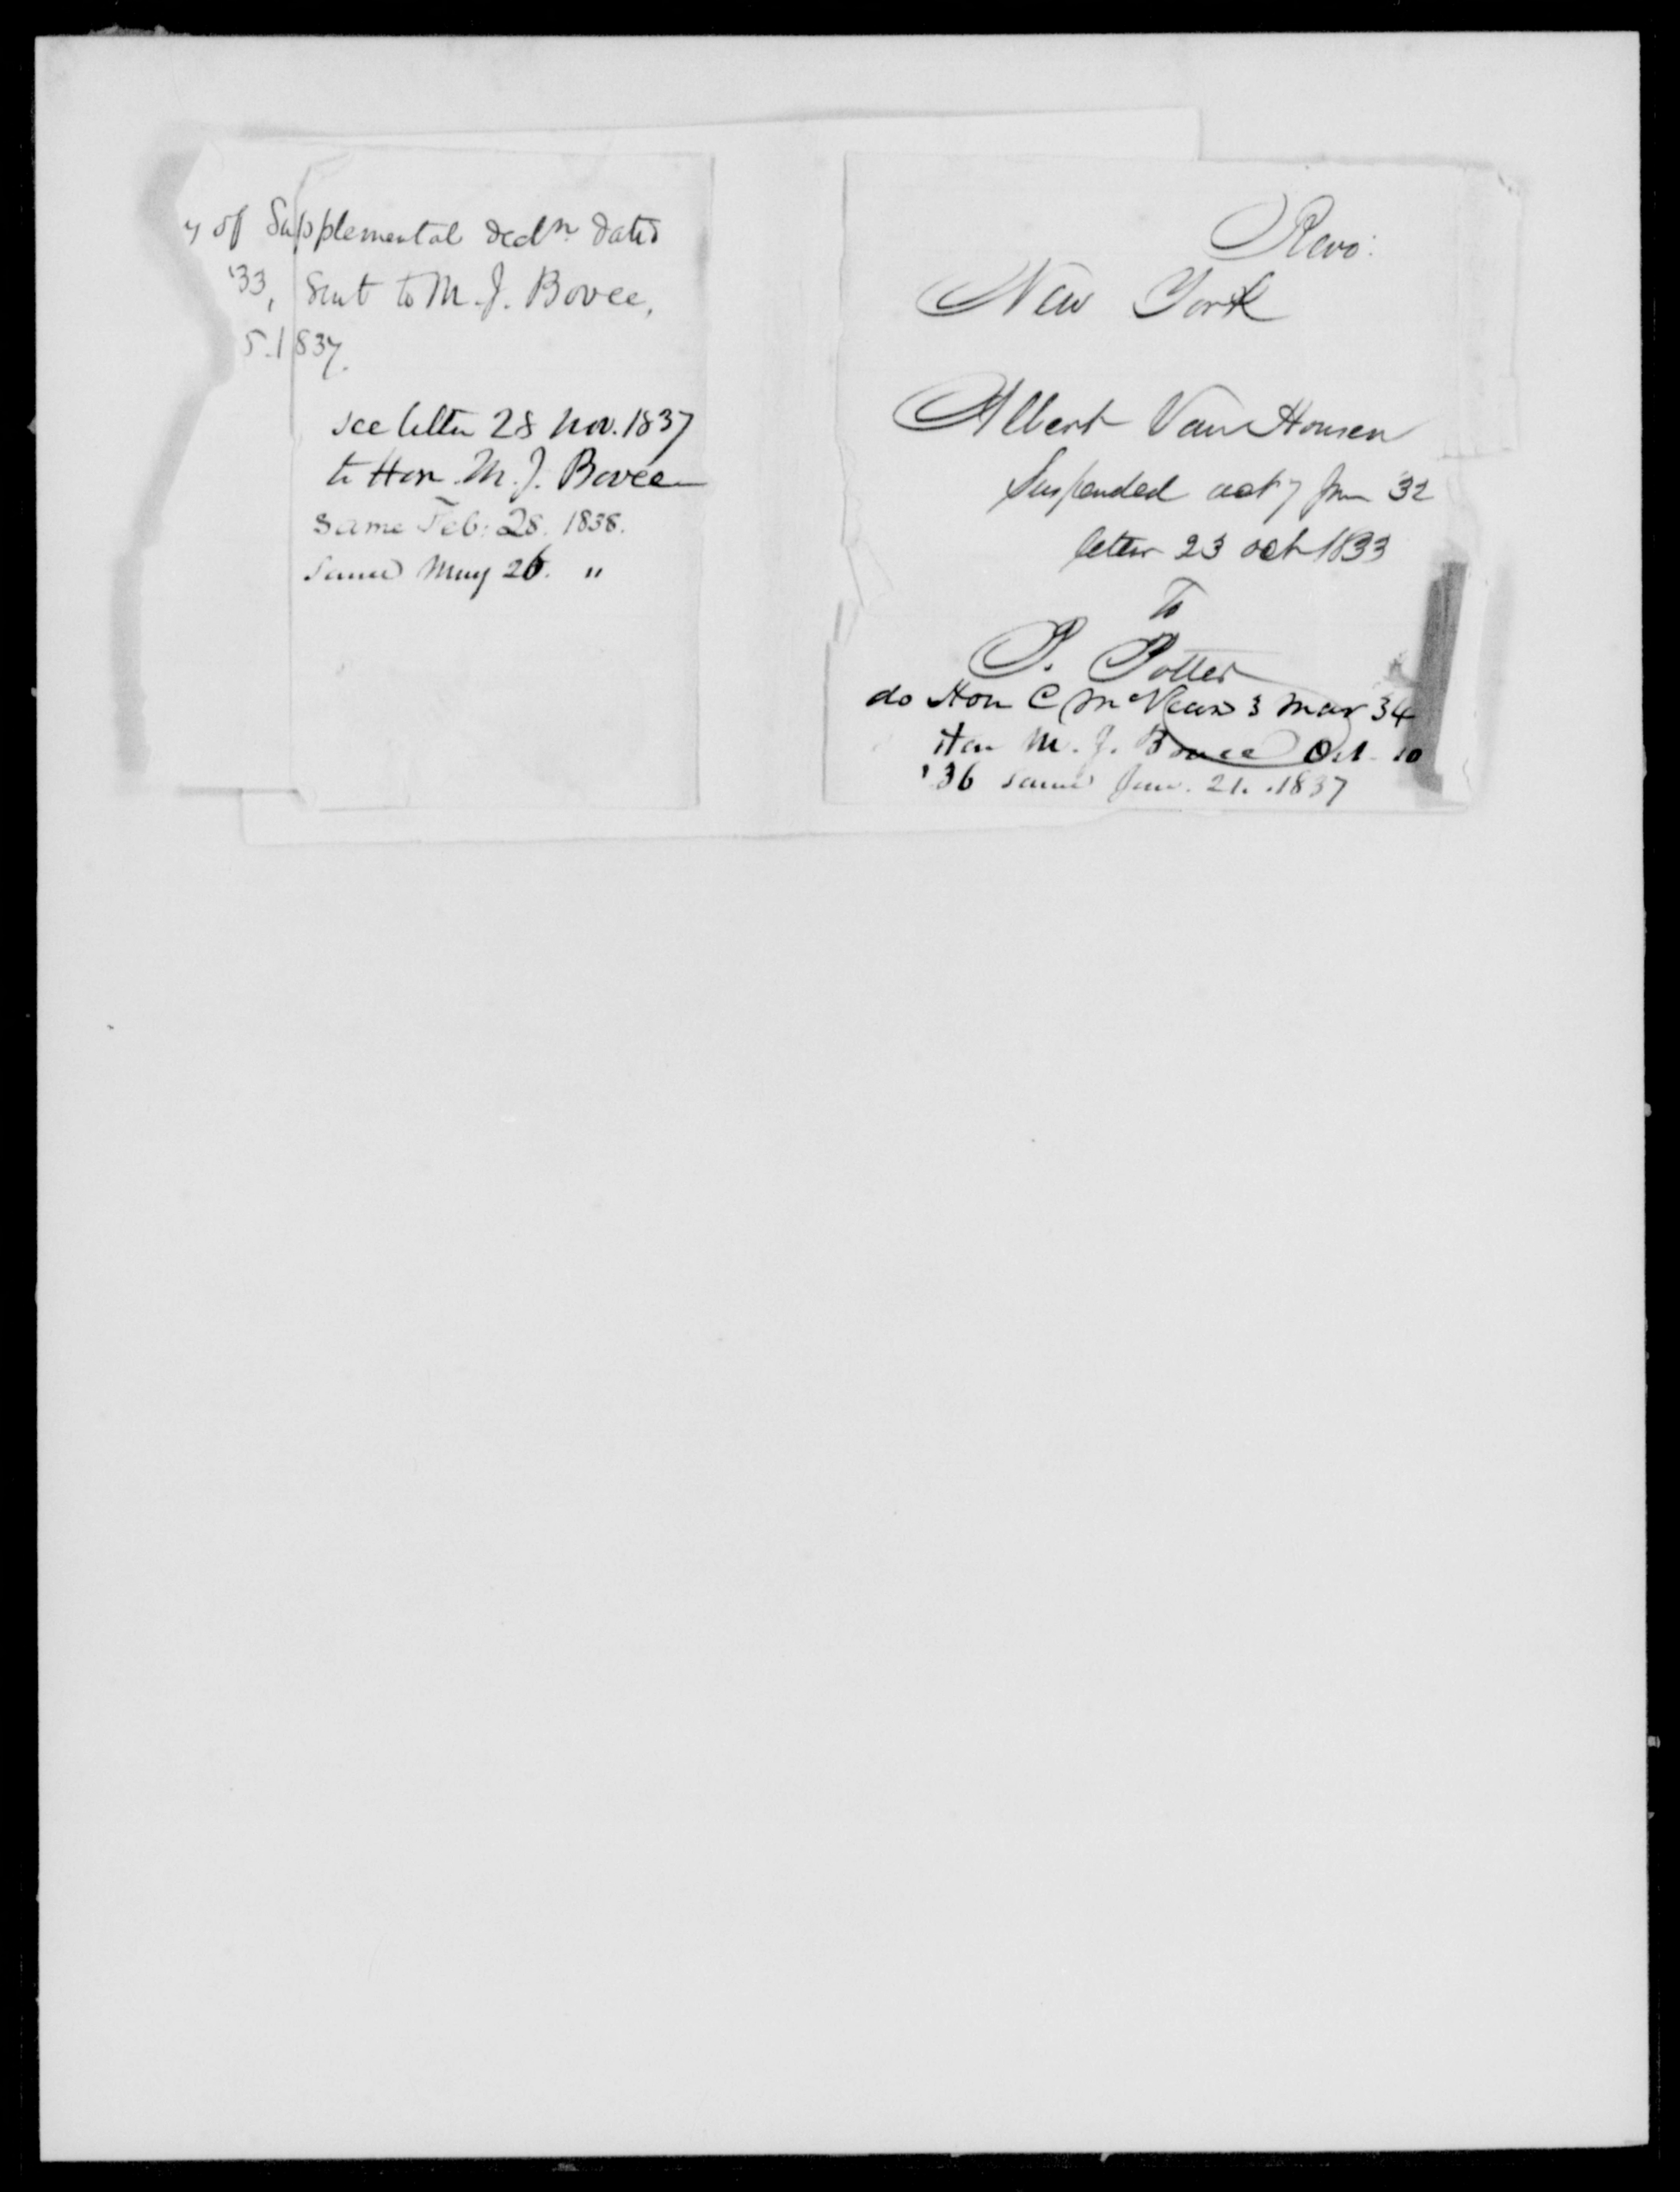[left side – partially torn off]
… of Supplemental dedn. dated ,,, ‘33, 
… 5, 1837.
see letter 28 Nov. 1837 to Hon. M. J. Bovee 
Same Feb 28, 1838. 
same May 26 1838.


[right side]
Revo: 
New York 
Albert Van Housen 
Suspended act 7 Jun ‘32 
letter 23 Oct 1833 
to P. Potter 
do Hon C McVean 3 Mar 34 
Hon M. J. Bovee Oct 10 ‘36 same June 21. 1837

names: Albert Van Housen, P Potter, M J Bovee, M J Bovee, M J Bovee, Albert Van Housen, C Mc Near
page: 14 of 57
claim: survivor's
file: S. 28,925, Albert Van Housen, New York